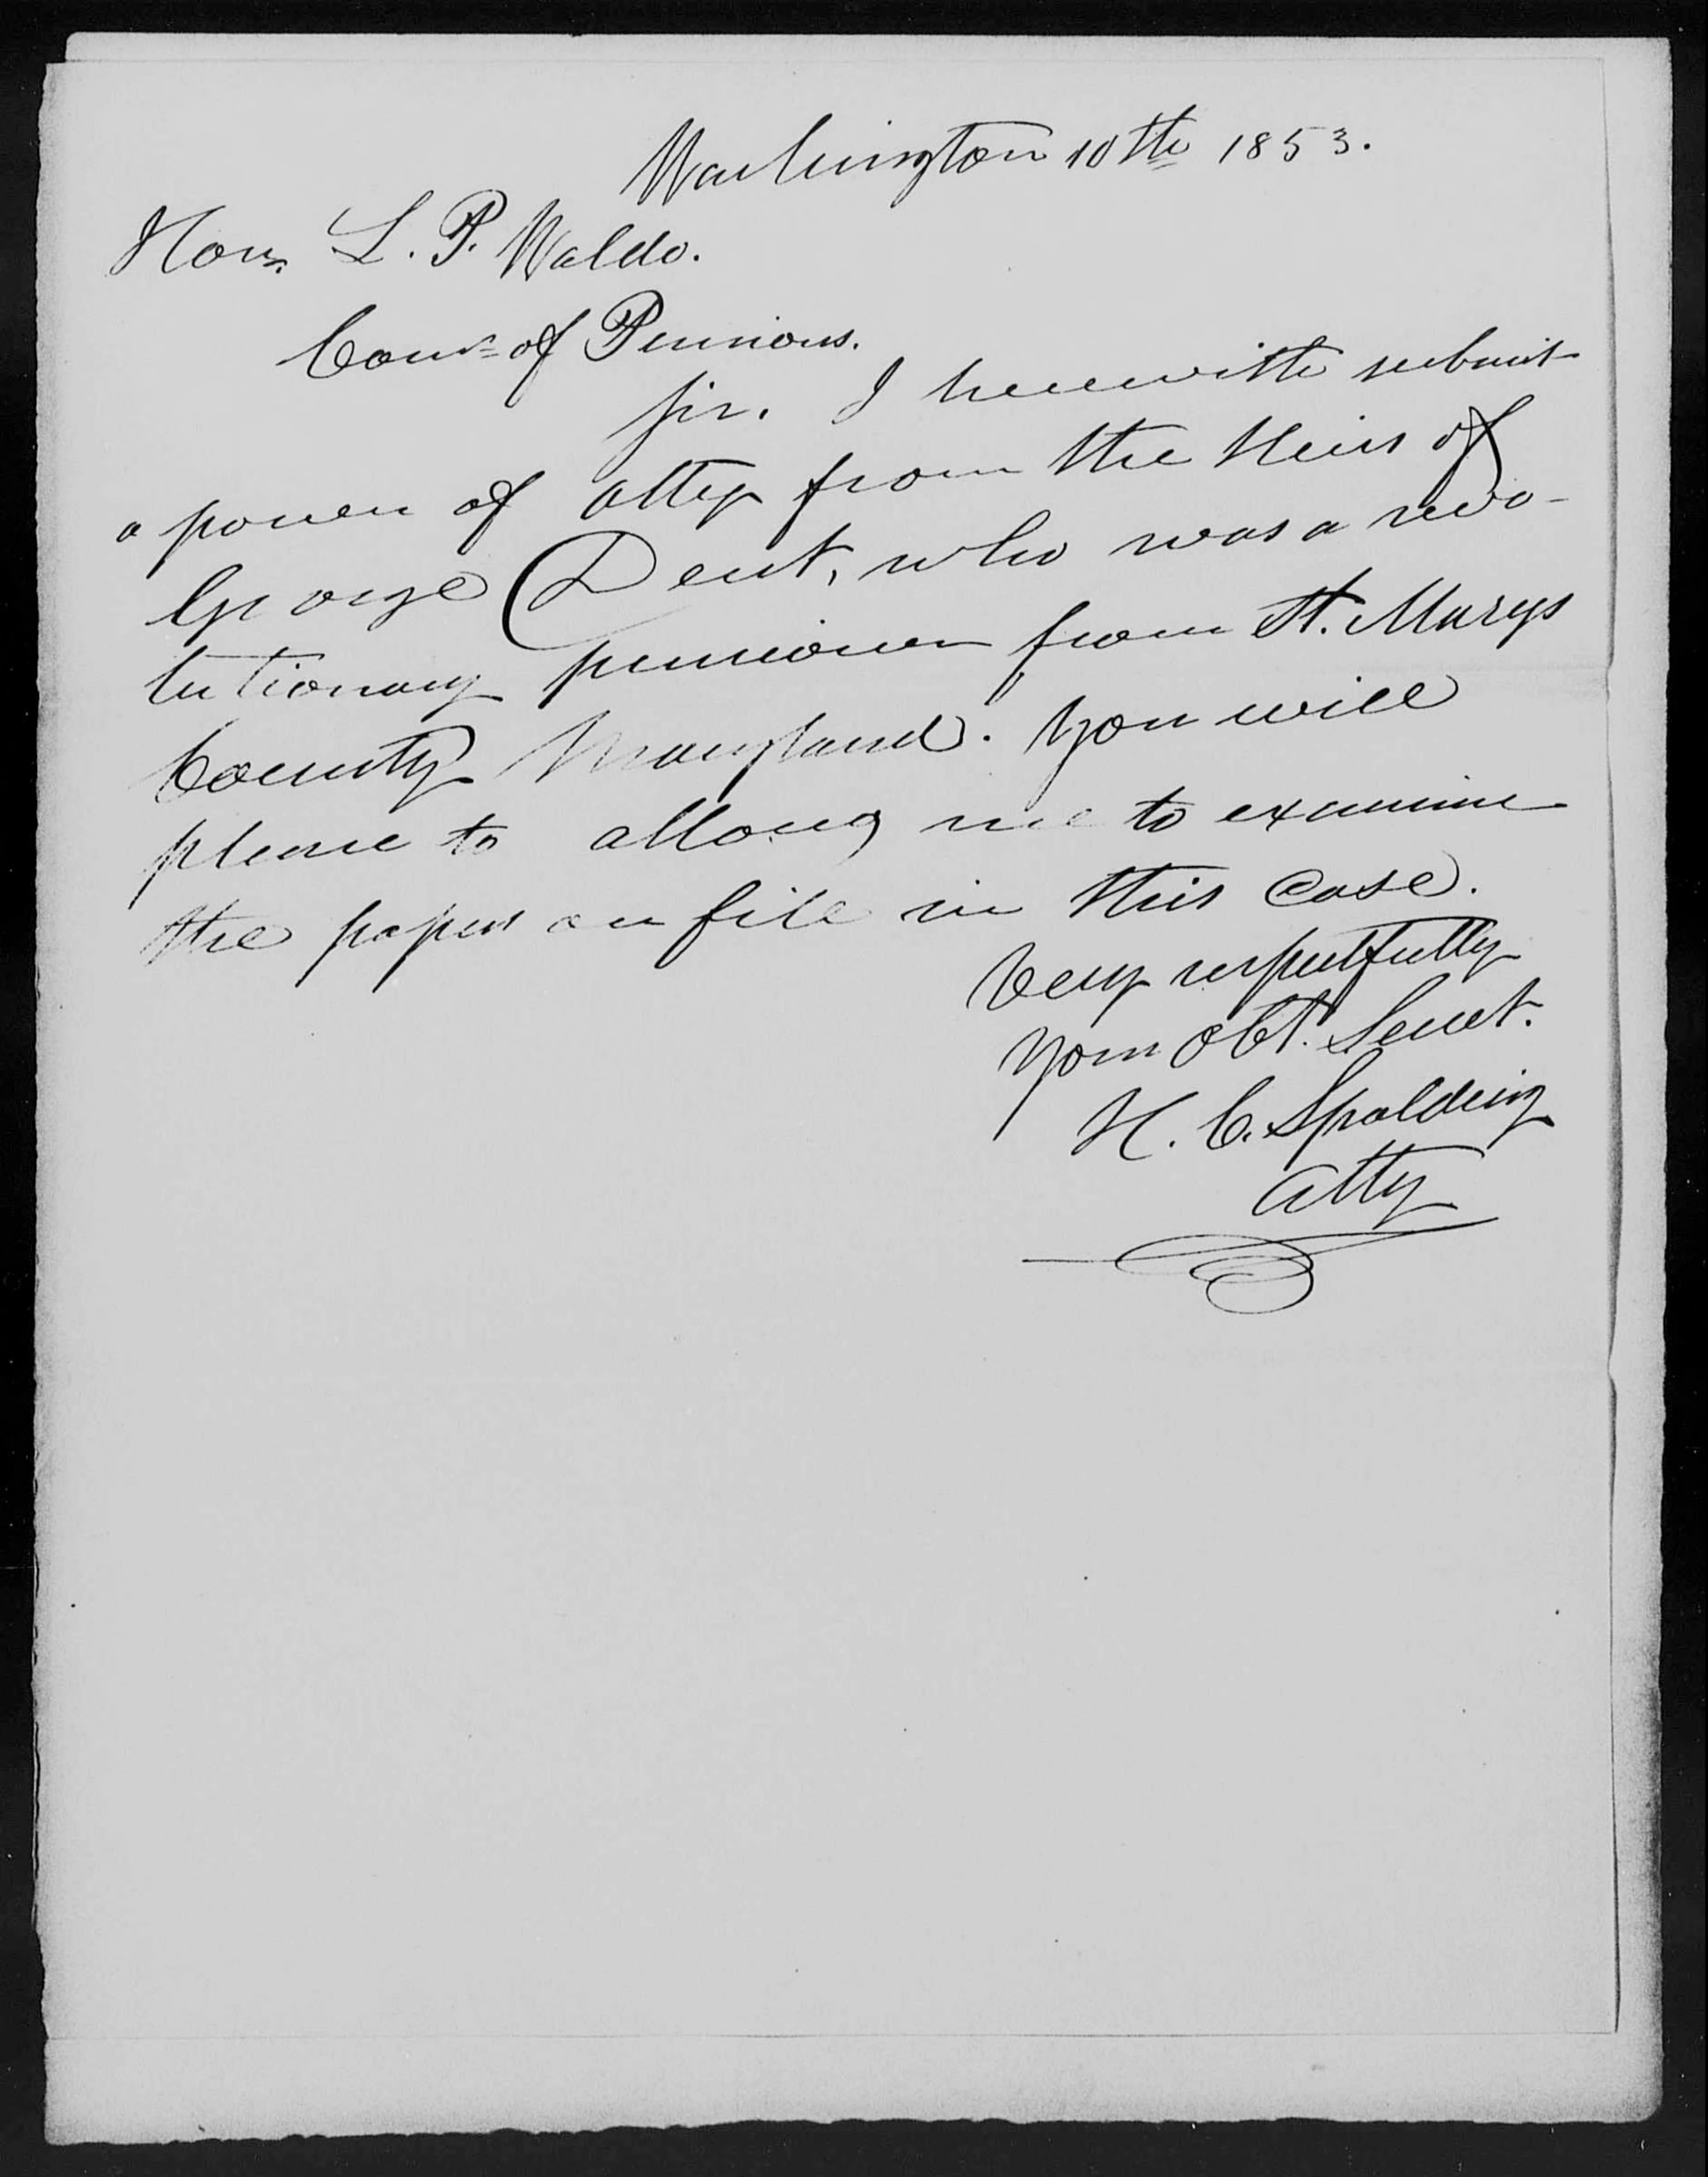Washington, 10 [illegible] 1853

Hon. L.P. Waldo
Comm. of Pensions

Sir

I herewith resubmit a power of atty from the heirs of George Dent who was a revolutionary pensioner from St. Mary's County Maryland. You will please to allow me to examine the papers on file in this case.

Very respectfully
your obt servant

H.C. Spalding
Atty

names: L P Waldo, George Dent, H C Spalding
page: 40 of 49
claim: survivor's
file: S. 12755, George Dent, Md.